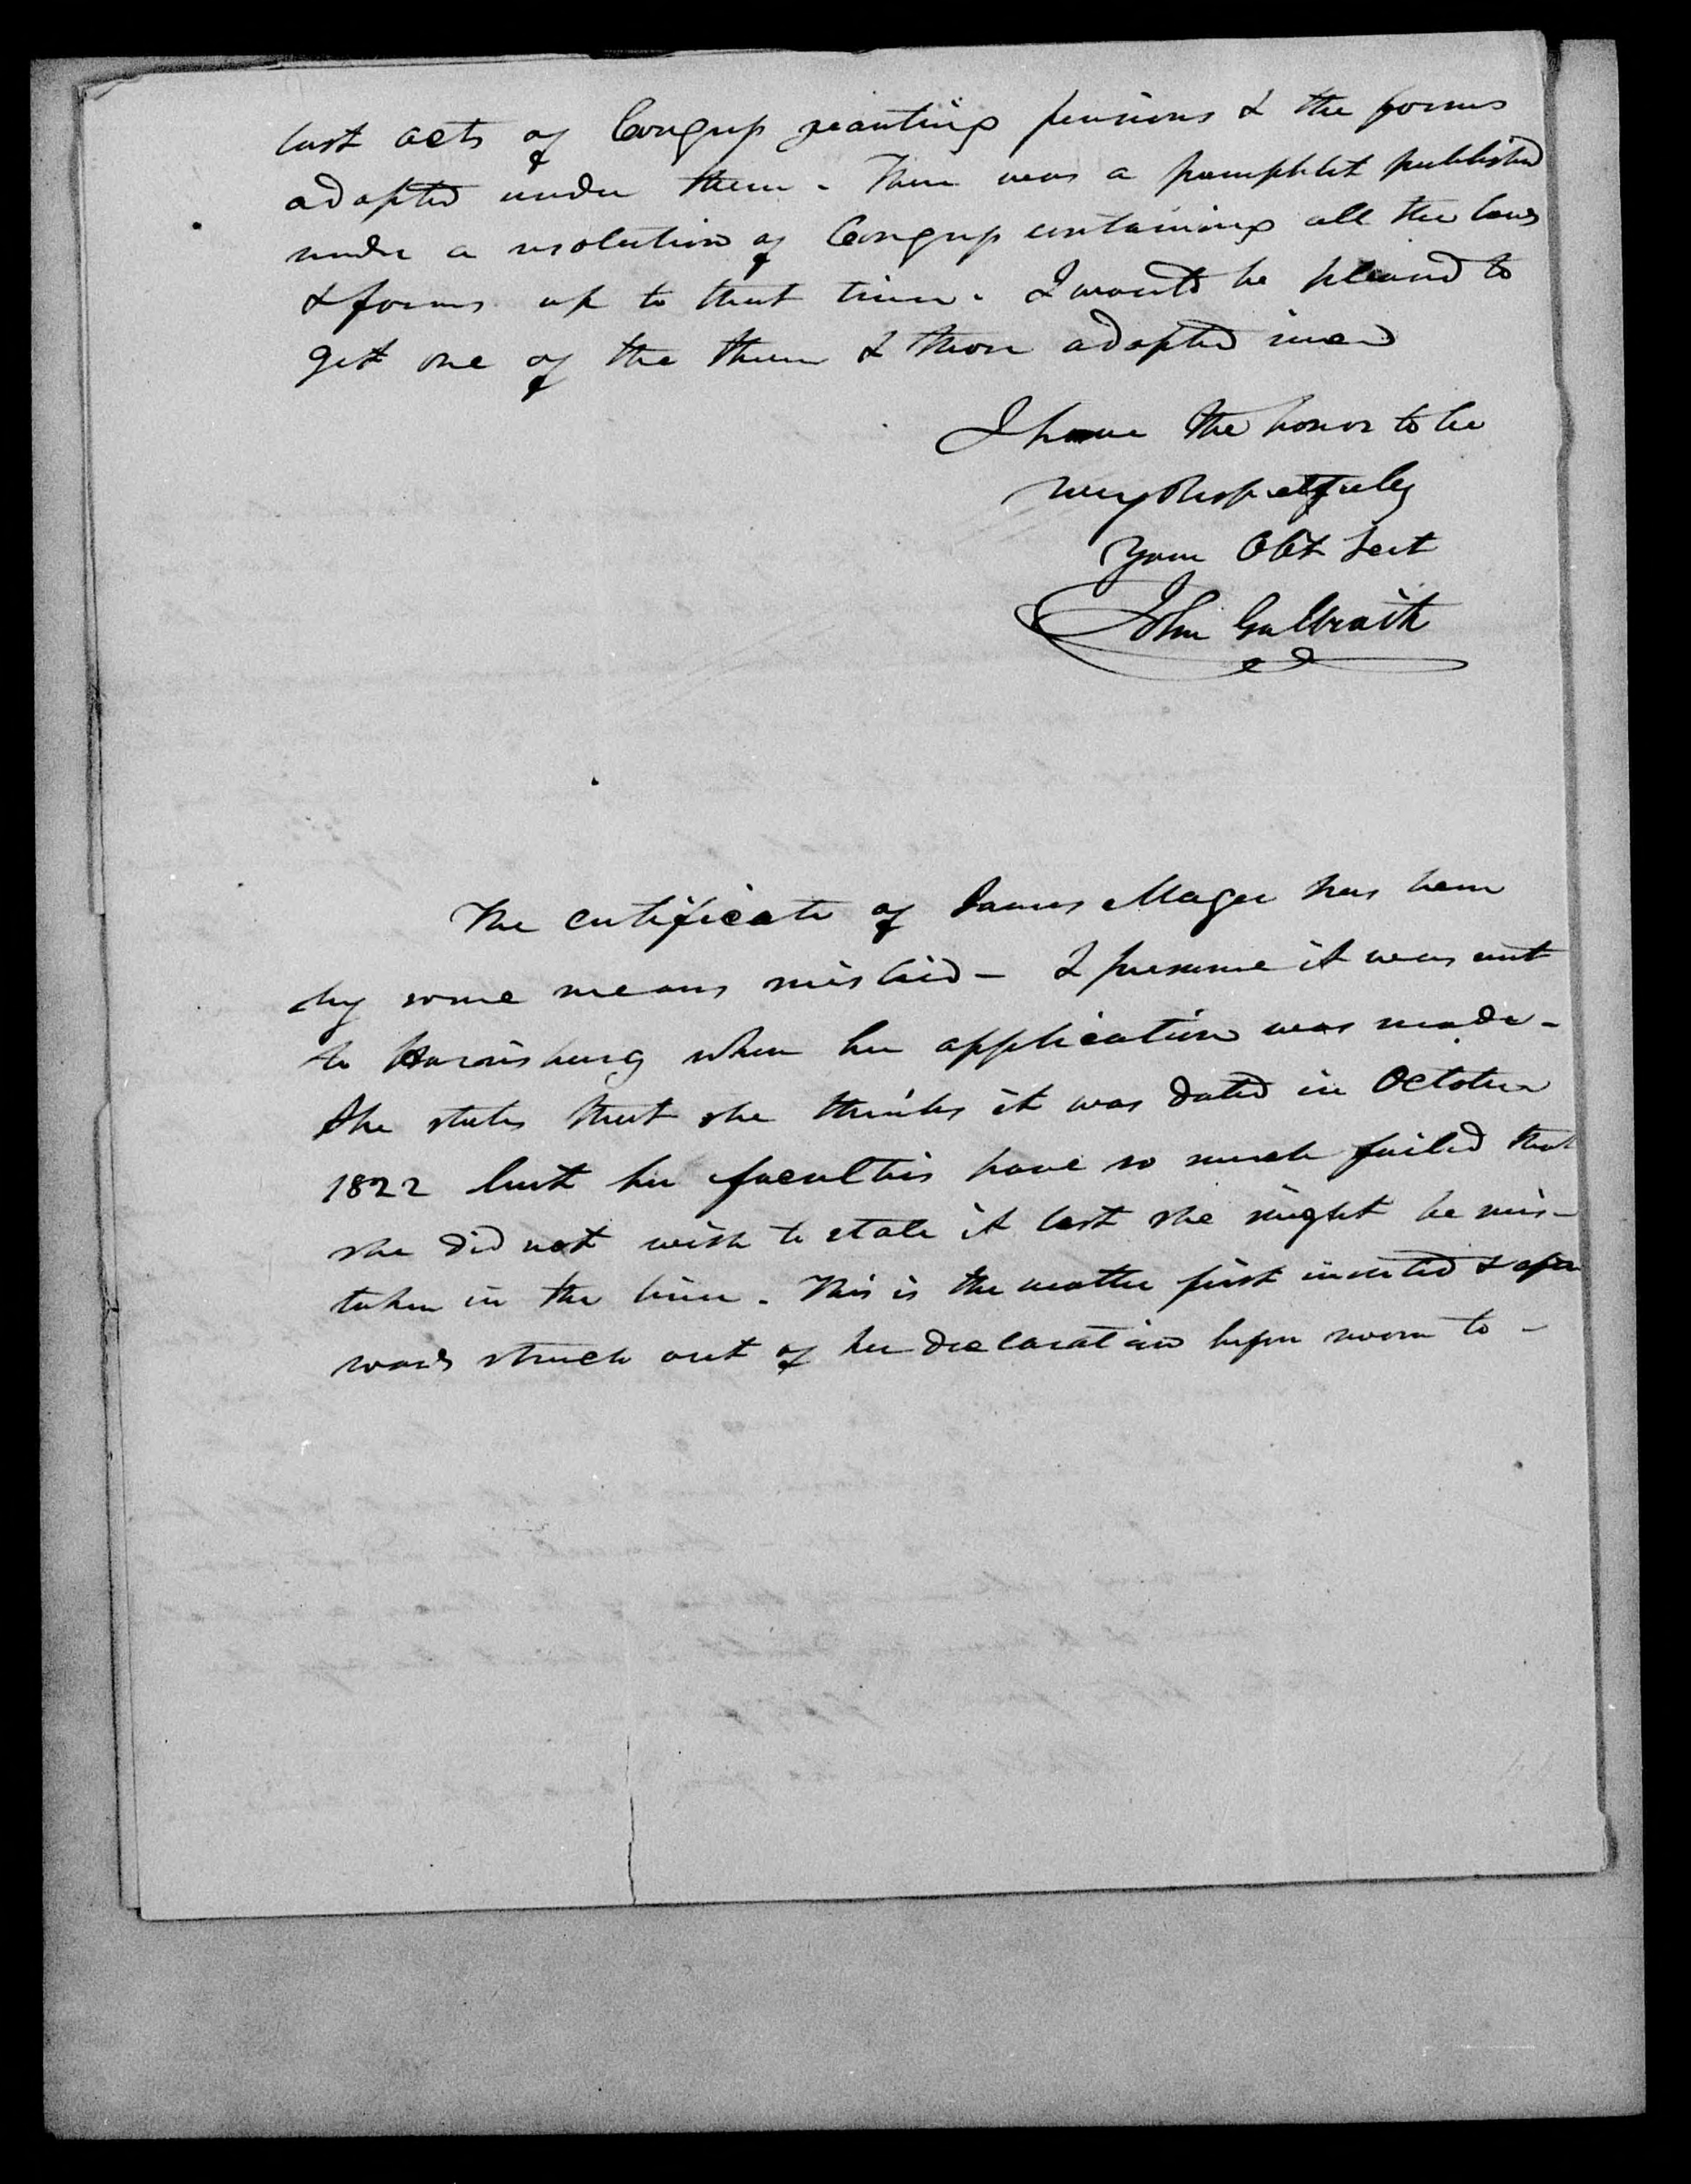(continuation letter from Erie)

last acts of Congress granting pensions & the forms adapted under them. There was a pamphlet published under a resolution of Congress containing all the laws & forms up to that time. I would be pleased to get one of the them & then adopted said

I have the honor to be
Very Respectfully
Your Obt Sert

John Galbraith

The certificate of James McGee has been
by some means mislaid-- I presume it was out
to Harrisburg when her application was made  
she states that she thinks it was dated in October 1822 but his faculties have so much failed that she did not wish to state it last she might be mistaken in the line. This is the matter first incited  & after was struck out of her declaration before sworn to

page: 27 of 77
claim: widow's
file: W 2954, for James Mc Gee, Delaware